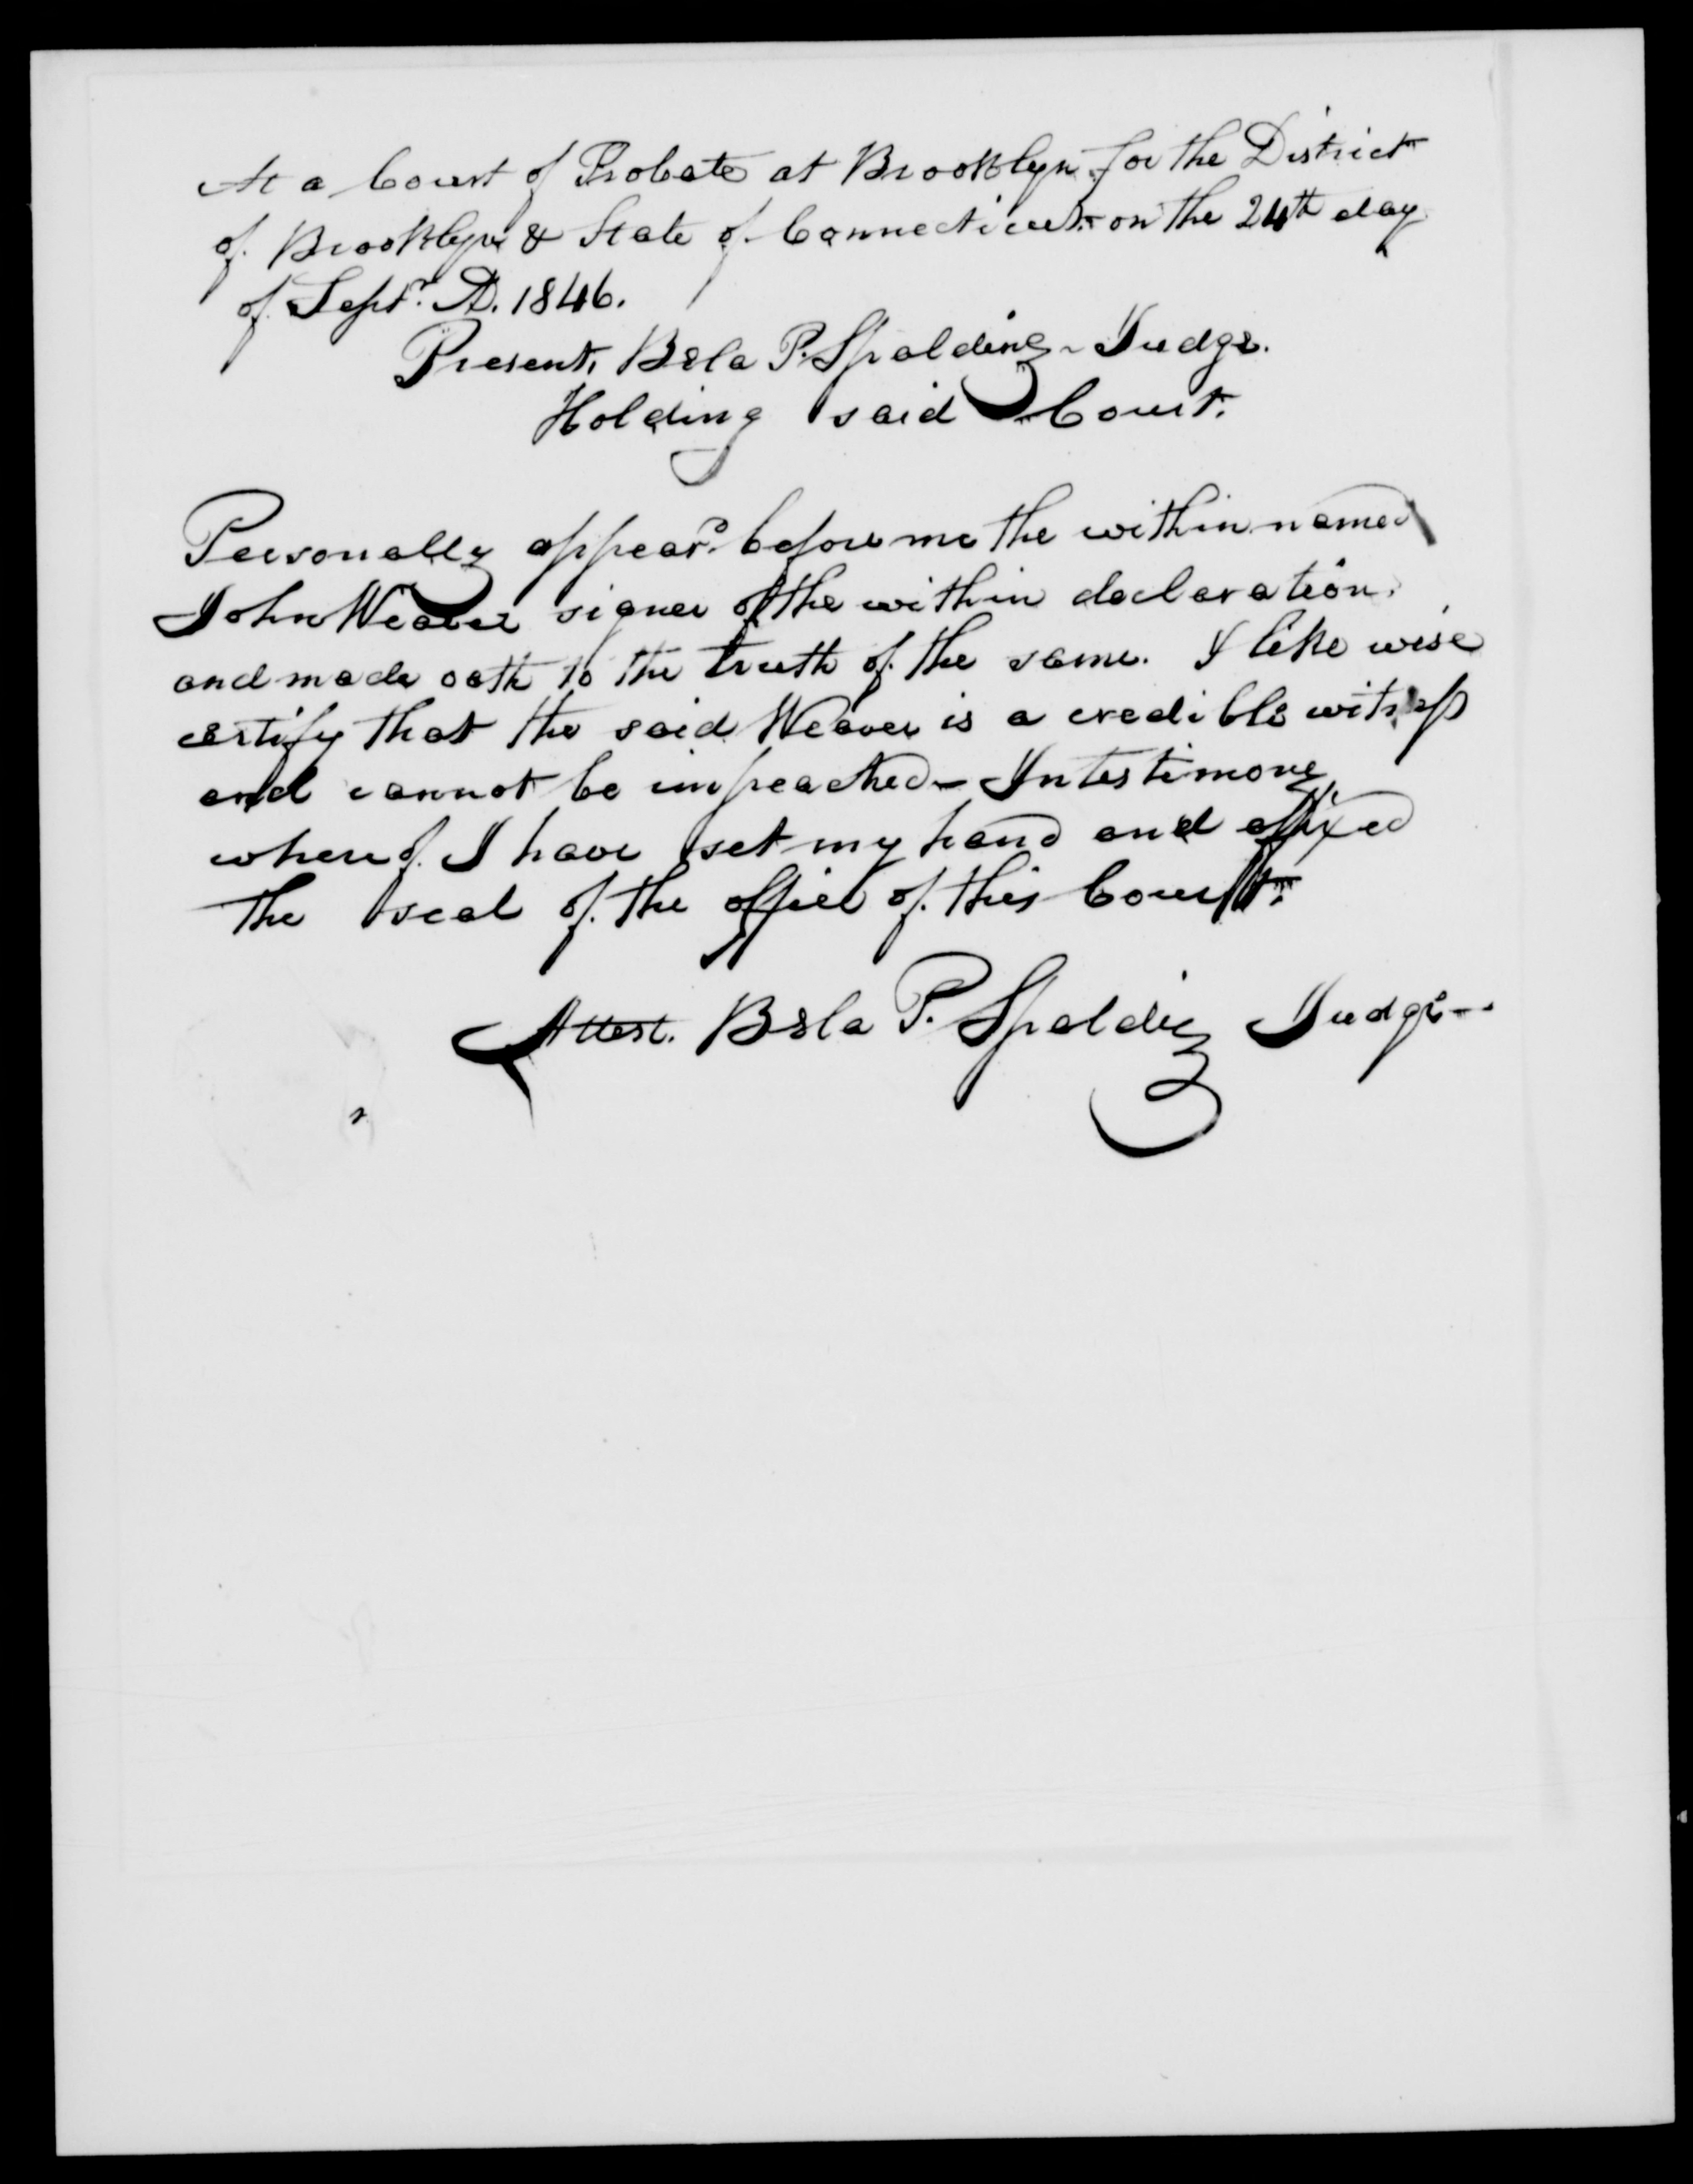At a Court of Probate at Brooklyn for the District of Brooklyn & State of Connecticut on the 24th day of Sept. A. D. 1846.

Present, Bela P. Spalding ~Judge.
Holding said Court

Personally appear before me the within named John Weaver signer of the within declaration, and made oath to the truth of the same. I like wise certify that the said Weaver is a credible witness and cannot be impeached in testimony when  __ I have seen my hand and affixed the seal of the office of this court.

Attest. Bela P. Spalding Judge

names: Bela P Spalding, John Weaver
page: 4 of 53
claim: widow's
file: W 17707, Benjamin Weaver, R.I.